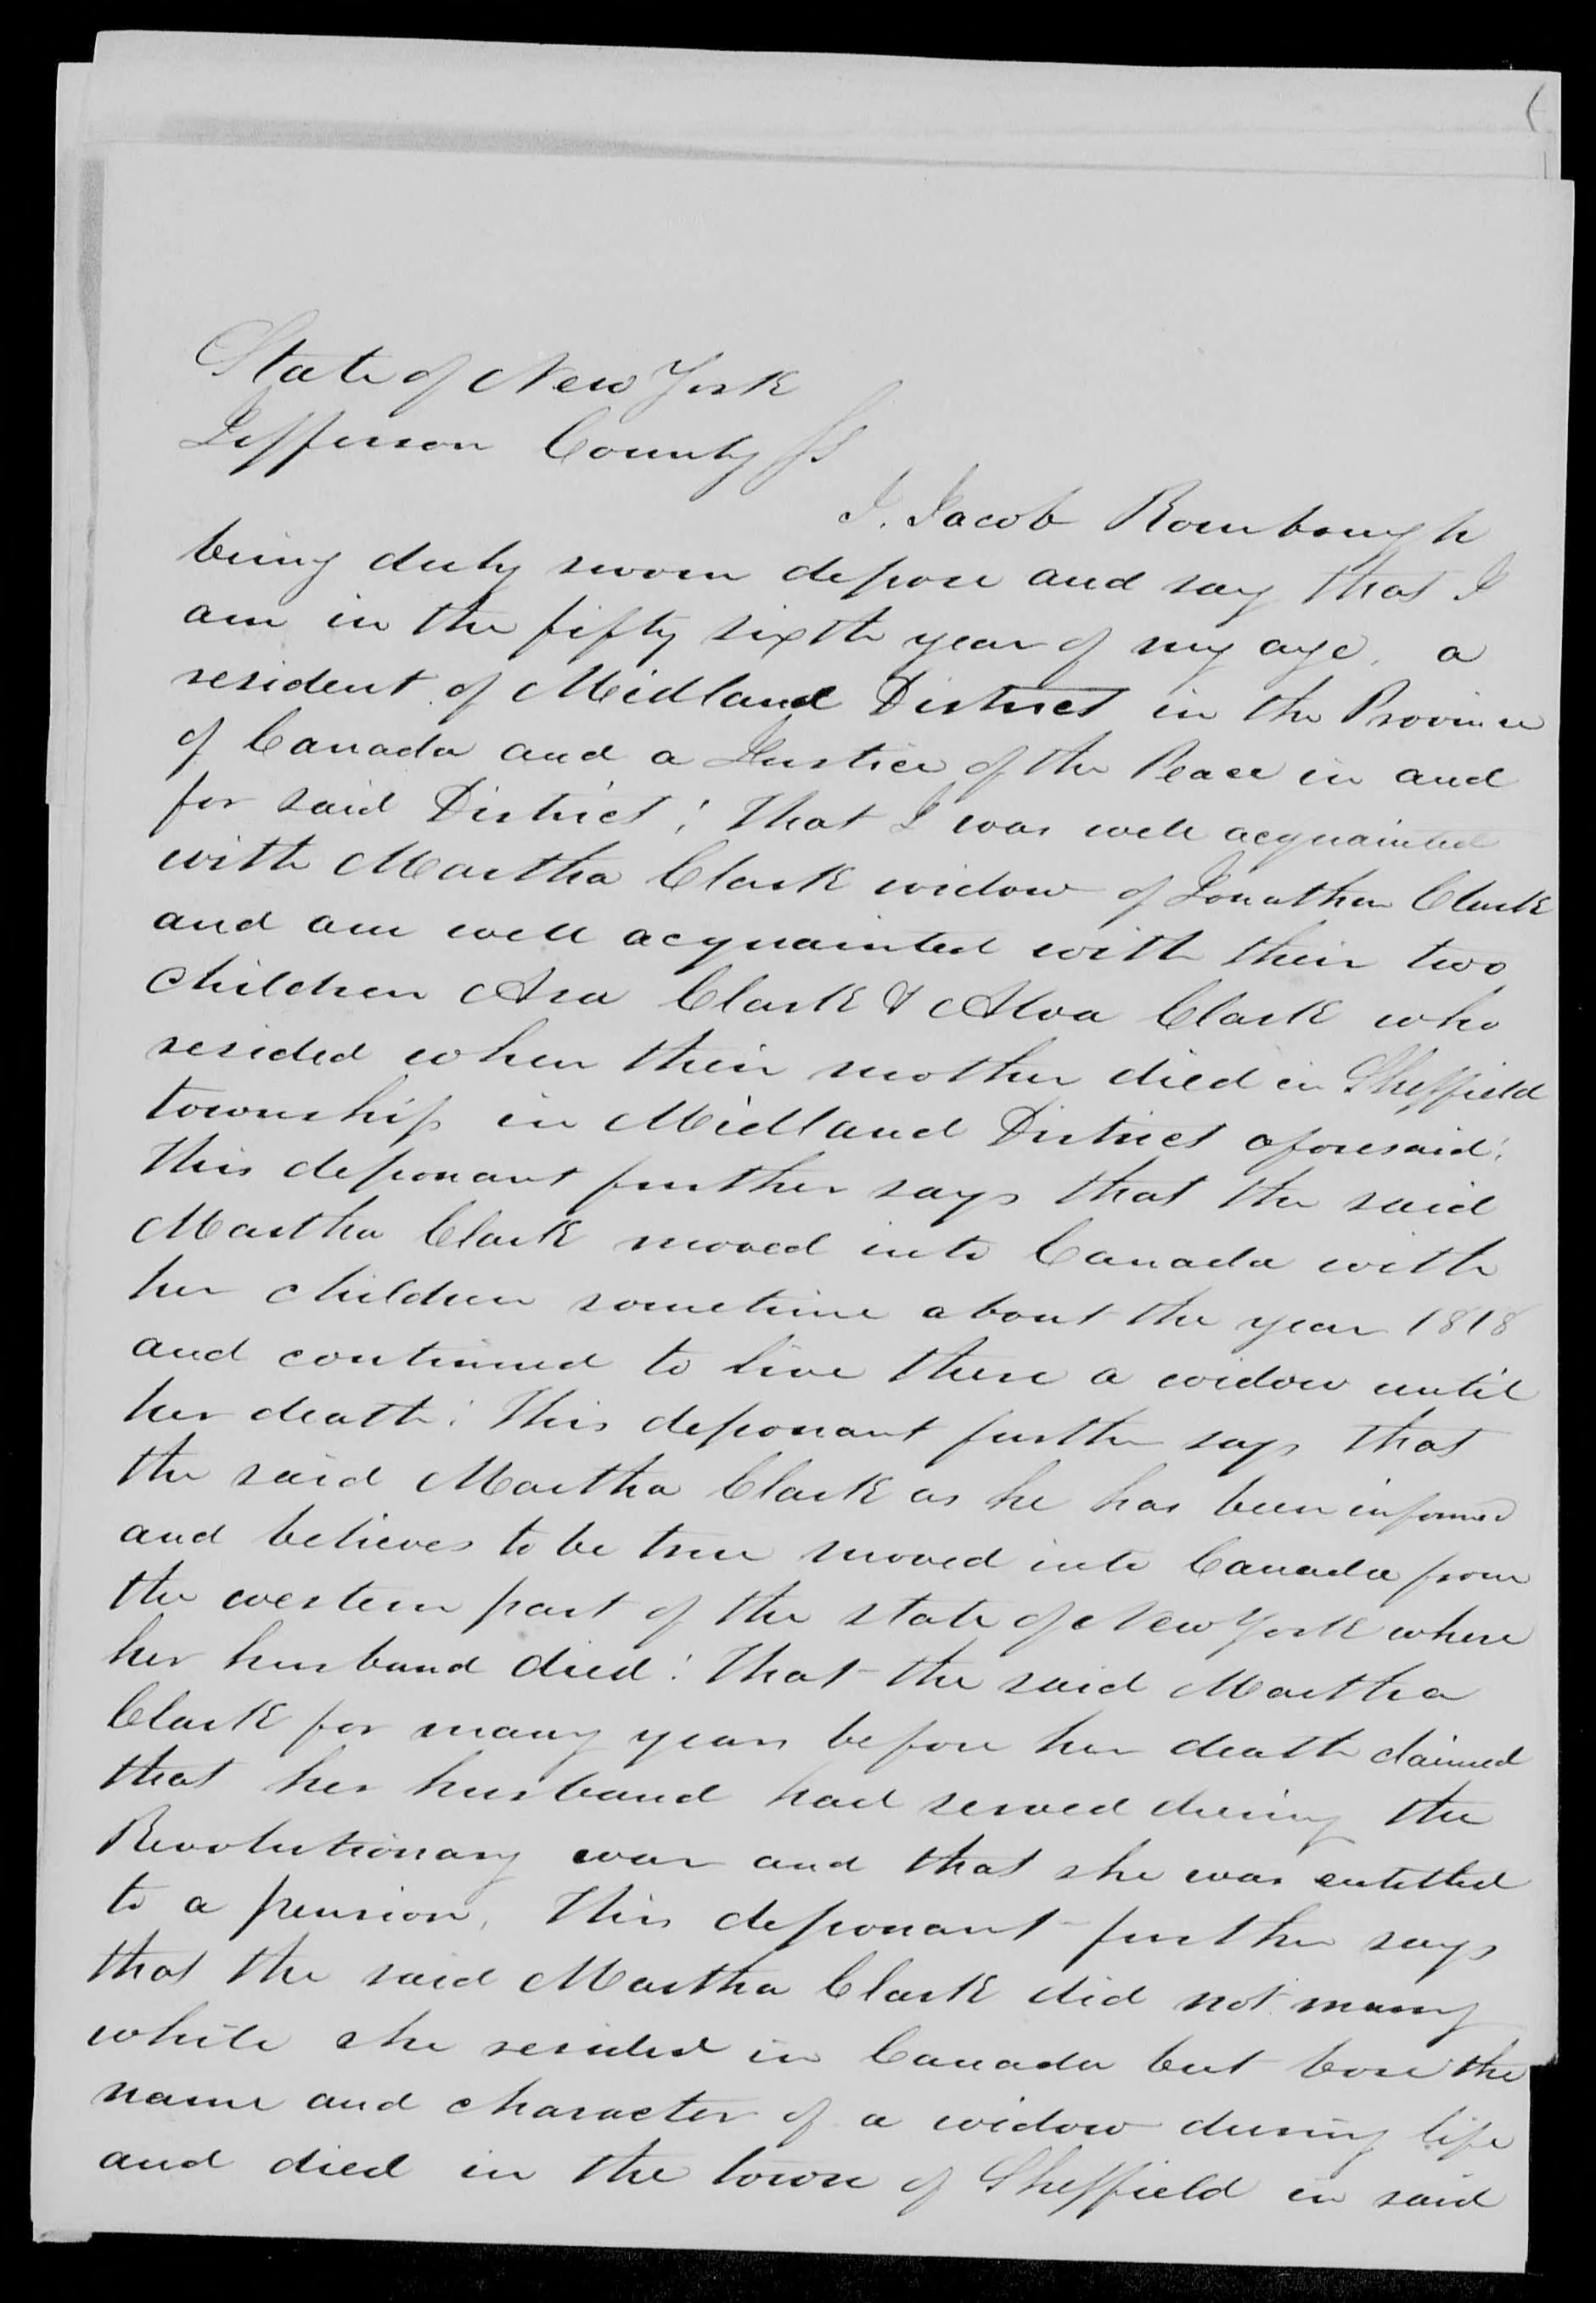State of New York
Jefferson County Ss
I, Jacob Rombough being duly sworn depose and say that I am in the fifty sixth year of my age, a resident of Midland District in the Province of Canada and a Justice of the Peace in and for said District:  That I was well acquainted with Martha Clark widow of Jonathan Clark and am well acquainted with their two children Asa Clark & Alva Clark who resided when their mother died in Sheffield township in Midland District aforesaid: This deponant further says that the said Martha Clark as he has been informed and believes to be true moved into Canada from the western part of the state of New York where her husband died:  That the said Martha Clark for many years before her death claimed that her husband had served during the Revolutionary war and that she was entitled to a pension. This deponant further says that the said Martha Clark did not marry while she resided in Canada but bore the name and character of a widow during life and died in the town of Sheffield in said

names: Asa Clark, Jacob Rombough, Alva Clark, Jonathan Clark, Martha Clark, Martha Clark, Martha Clark, Martha Clark, Martha Clark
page: 19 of 26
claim: rejected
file: R. 2001, Jonathan Clark, Conn.